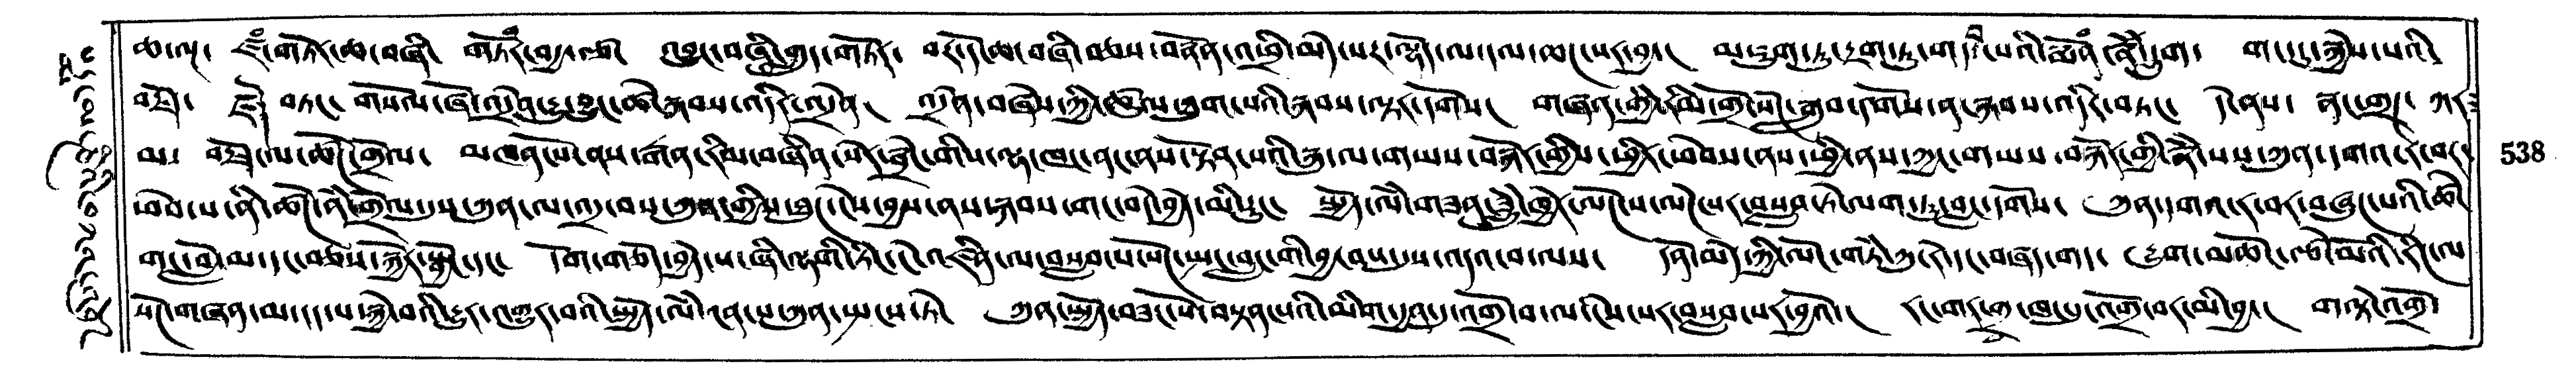ཆ་ལྔ། ཛཾ་གཏོར་ཆ་བཞི། གཏོར་མ་བརྒྱ་རྩ། འབྱུང་བཞི་གླུད་གཏོར། བར་དོ་ཆ་བཞི་བཅས་བསྣོན་འཕྲི་མེད་པར་ལྷོད་ལ་དལ་ཆགས་པར་བྱ། མཇུག་ཏུ་རྟག་ཏུ་གདབ་པའི་སྨོན་ལམ་རྣམ་དྲུག གང་དུ་སྐྱེས་པའི༴ 
བརྗོད། ཇ༽ བཏང་། གསོལ་ཞོ་འདྲེན་རྒྱུ་བྱུང་ཚེ་སྐབས་འདིར་འདྲེན། འདྲེན་བཞེས་ཀྱི་ཚུལ་ཐུག་པའི་སྐབས་ལྟར་དགོས། གཞན་གྱི་རིམ་གྲོ་སོགས་སྒྲུབ་དགོས་ན་སྐབས་འདིར་བཏང་། དེ་ནས། སྣང་གྲགས༴ སྐར་
མ༴ བརྗོད་ལ་ཚོགས་གྲོལ། མཁན་པོ་ནས་རྒན་རིམ་བཞིན་སེར་སྦྲེངས་ཀྱིས་ལྷ་ཁང་ནས་སྟོན་པའི་སྐུ་ལ་གཡས་བསྐོར་གྱིས་ཕྱིར་ཕེབས་ནས་ཕྱི་ནས་ཀྱང་གཡས་བསྐོར་གྱི་རྣམ་པས་ཀུན་དགའ་ར་བར་
ཕེབས་པ་ནི་ཚོགས་ནམ་གྲོལ་དུས་ཀུན་ལ་འདྲ་བས་ཀུན་ཀྱིས་ཐུགས་ངེས་བྱས་ནས་སྐབས་གང་བདེ་བྱེད་མི་རུང་། སྤྱོད་ལམ་གཟན་ཟླུམ་ཁྱེར་ལ་སོགས་པ་ལེགས་པར་བསླབ་སྟེ་ལག་ཏུ་བླང་དགོས། ཀུན་དགའ་ར་བར་བཞུགས་པའི་ཚེ་
གང་བློ་མ་དང་བཅས་སྐྱོར་སྦྱོང་དང་། དོགས་གཅོད་བྱེད་པ་ཞི་ལྷག་གི་ཏིང་ངེ་འཛིན་ལ་བསླབ་པ་སོགས་སྤང་བླང་གི་བྱ་བས་དུས་འདའ་བ་ལས། དོན་མེད་ཀྱི་ལོང་གཏམ་ཀུ་རེ་དང་བཞད་གད། རྒྱུག་མཆོང་རྩེད་མོའི་རིགས་ལ་
སོགས་གཞན་མ་དད་པ་སྐྱེ་བའི་རྒྱུར་འགྱུར་བའི་སྤྱོད་ལམ་ངན་པ་ཀུན་སྤངས་ཏེ།ཀུན་སྤྱོད་བཟང་པོ་བསྟན་པའི་མིག་རྒྱན་དུ་འགྲོ་བ་ལ་ངེས་པར་བསླབ་པར་བྱའོ།། རང་གར་གྲྭ་ཁང་དུ་འགྲོ་བར་མི་བྱ། གལ་ཏེ་འགྲོ་